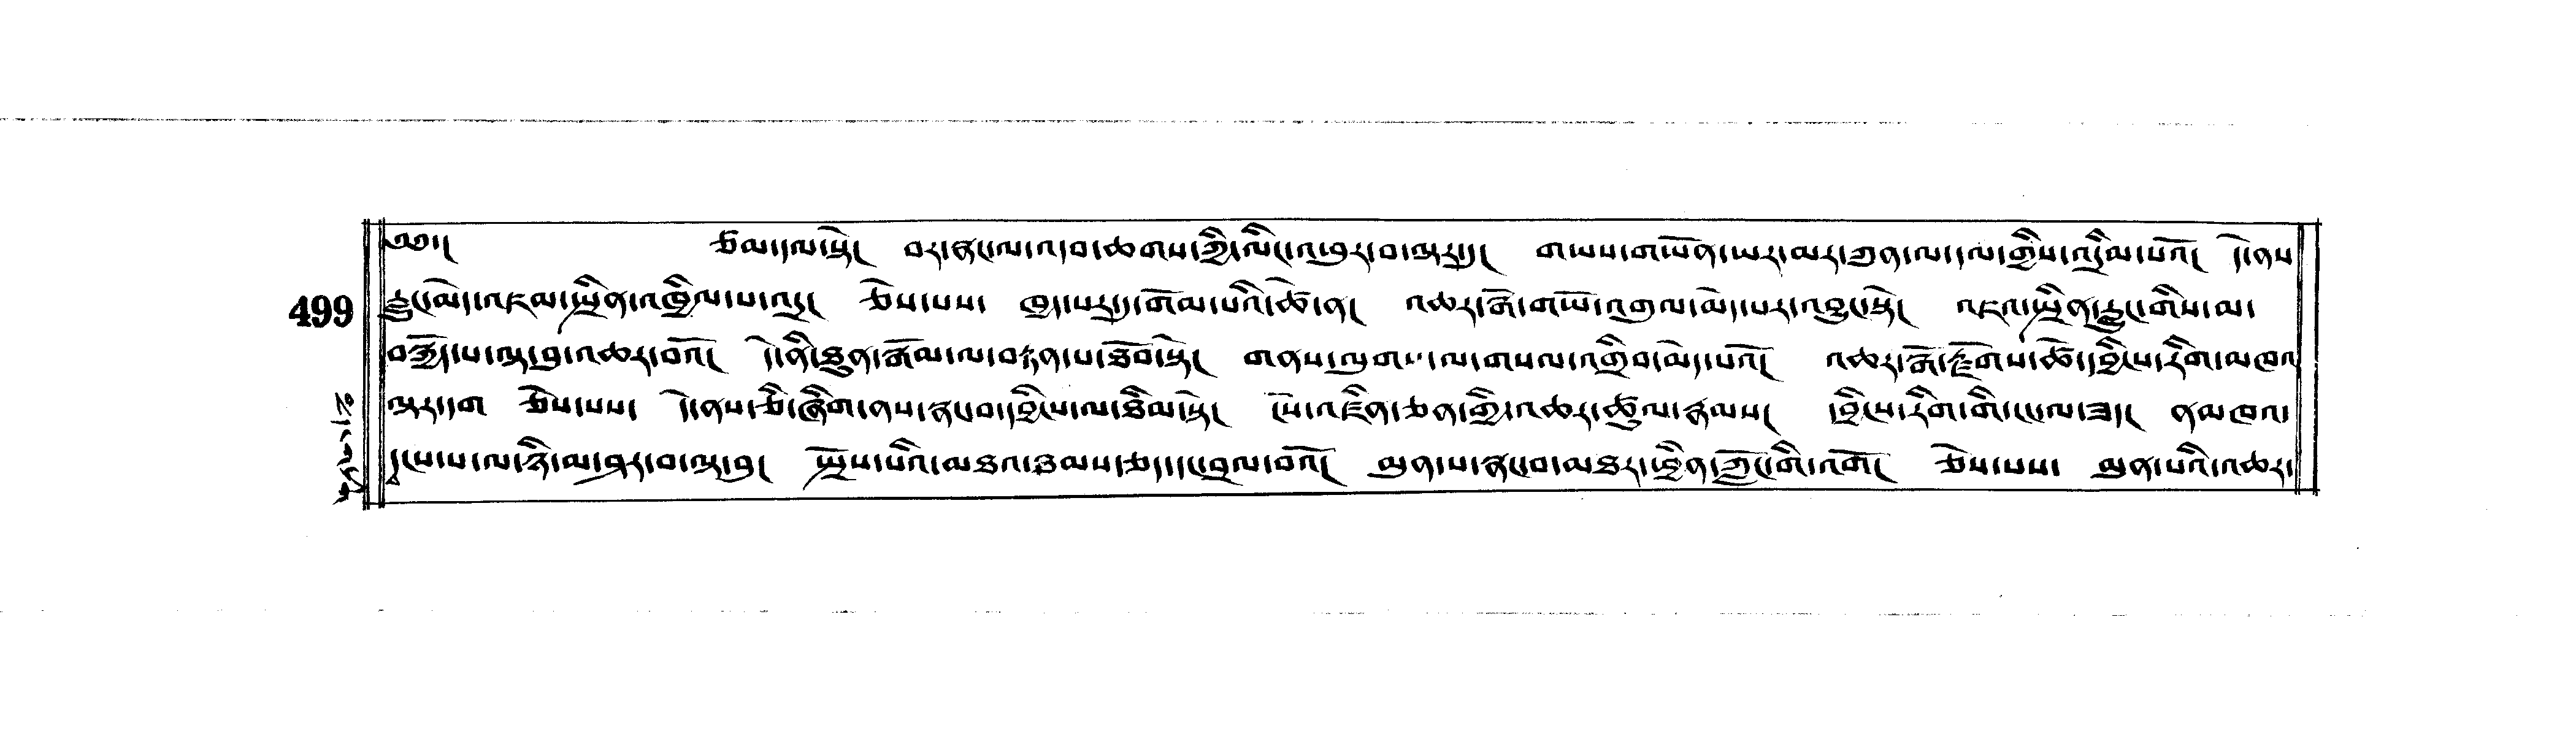ཙམ་དལ་སྟེ། བར་སྣང་ལ་འདབ་ཆགས་ཀྱི་ལིང་འཕུར་བ་ལྟར་དུ། གཡས་གཡོན་ཡར་མར་ཀུན་ལ་དར་གྱིས་འདྲིལ་བའོ། དེ་ནས་
རླུང་མེད་འཇའ་སྤྲིན་འཁྱིལ་བ་འདྲ། ཅེས་པས། ཁྱད་པར་དུ་གོམས་པའི་ཚེ་ན། འཆར་སྒོ་གཡོ་འགུལ་མེད་པར་འབྱུང་སྟེ། འཇའ་སྤྲིན་རླུང་གིས་མ་
བསྐྱོད་པ་ལྟར་དུ་འཆར་བའོ། དེ་ནི་ཐུན་སྒོམ་ལ་བརྟན་པ་ཐོབ་སྟེ། གནས་ལུགས་ལ་གསལ་འགྲིབ་མེད་པའོ། འཆར་སྒོ་རྫོགས་ཚེ་དབྱིངས་རིག་མཁའ་
ལྟར་དག ཅེས་པས། དེ་ནས་ཅི་ཞིག་ནས་སྣང་བ་དབྱིངས་ལ་ཐིམ་སྟེ། ངོས་འཛིན་ཅན་གྱི་འཆར་ཚུལ་རྣམས། དབྱིངས་རིག་གི་ངང་ལ་ཟད། ནམ་མཁའ་
དངས་པ་ལ་ཉི་མ་ཤར་བ་ལྟ་བུ། སྤྲོས་པའི་མཐའ་ཐམས་ཅད་དང་བྲལ་བའོ། མུན་པ་སྣང་བ་མཐར་ཕྱིན་ཀློང་གི་འགོ ཅེས་པས། མུན་པའི་འཆར་